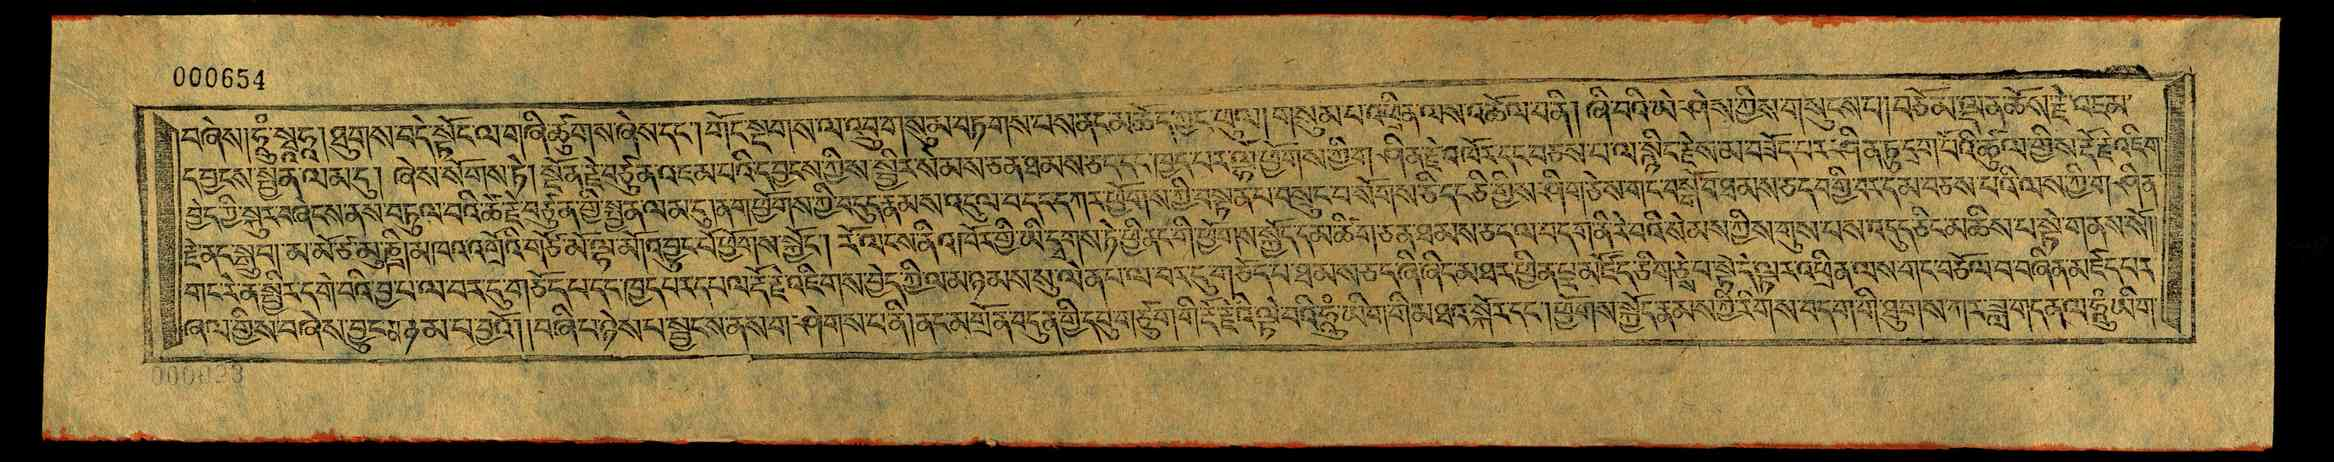བཞེས། ཧཱུཾ་སྭཱ་ཧཱ། ཐུགས་བདེ་སྟོང་ལ་གཞི་ཚུགས་ཞེས་དང་། གོང་སྔགས་ལ་འབྲུ་གསུམ་བཏགས་པས་ནང་མཆོད་ཀྱང་ཕུལ། གསུམ་པ་འཕྲིན་ལས་འཆོལ་བ་ནི། ཞི་བའི་ཡེ་ཤེས་ཀྱིས་གསུངས་པ། བཅོམ་ལྡན་ཆོས་རྗེ་འཇམ་
དབྱངས་སྤྱན་ལམ་དུ། ཞེས་སོགས་ཏེ། སྔོན་རྗེ་བཙུན་འཇམ་པའི་དབྱངས་ཀྱིས་སྤྱིར་སེམས་ཅན་ཐམས་ཅད་དང་ཁྱད་པར་ལྷོ་ཕྱོགས་ཀྱི་གཤིན་རྗེ་འཁོར་དང་བཅས་པ་ལ་སྙིང་རྗེས་མ་བཟོད་པར་ཤིན་ཏུ་དྲག་པོའི་ཚུལ་གྱིས་རྡོ་རྗེ་འཇིགས་
བྱེད་ཀྱི་སྐུར་བཞེངས་ནས་བཏུལ་པའི་ཚེ་རྗེ་བཙུན་གྱི་སྤྱན་ལམ་དུ། ནག་ཕྱོགས་ཀྱི་བདུད་རྣམས་འདུལ་བ་དང་དཀར་ཕྱོགས་ཀྱི་བསྟན་པ་བསྲུང་བ་སོགས་ཅི་དང་ཅི་གྱིས་ཤིག་ཅེས་གང་བསྒོ་བ་ཐམས་ཅད་བགྱི་བར་དམ་བཅས་པའི་ལས་ཀྱི་གཤིན་
རྗེ་ནང་སྒྲུབ། མ་མོ་ཙ་མུཎྜི། མཁའ་འགྲོའི་གཙོ་མོ་ལྷ་མོ། འབྱུང་པོ་ཕྱོགས་སྐྱོང་། རོ་ལངས་ནི་འཁོར་གྱི་ཡི་དྭགས་ཏེ་ཕྱི་ནང་གི་ཕྱོགས་སྐྱོང་དམ་ཚིག་ཅན་ཐམས་ཅད་ལ་བདག་ནི་རེ་བའི་སེམས་ཀྱིས་གུས་པས་འདུད་ཅིང་མཆིས་པ་སྟེ་གནས་སོ།
གང་རེ་ན་སྤྱིར་དགེ་བའི་བྱ་བ་ལ་བར་དུ་གཅོད་པ་དང་ཁྱད་པར་དཔལ་རྡོ་རྗེ་འཇིགས་བྱེད་ཀྱི་ལམ་ཉམས་སུ་ལེན་པ་ལ་བར་དུ་གཅོད་པ་ཐམས་ཅད་ཞི་ཞིང་མཐར་ཕྱིན་པར་མཛོད་ཅིག་ཅེས་པ་སྟེ་དེ་ལྟར་འཕྲིན་ལས་གང་བཅོལ་བ་བཞིན་མཛད་པར་
ཞལ་གྱིས་བཞེས་བྱུང་སྙམ་པ་བྱའོ། །བཞི་པ་ཉེས་པ་སྦྱངས་ནས་གཤེགས་པ་ནི། ནང་མགྲོན་བདུན་གྱི་དབུ་གཙུག་གི་རྡོ་རྗེའི་ལྟེ་བའི་ཧཱུཾ་ཡིག་གི་མཐའ་སྐོར་དང་། ཕྱོགས་སྐྱོང་རྣམས་ཀྱི་རིགས་བདག་གི་ཐུགས་ཀར་ཟླ་གདན་ལ་ཧཱུཾ་ཡིག་